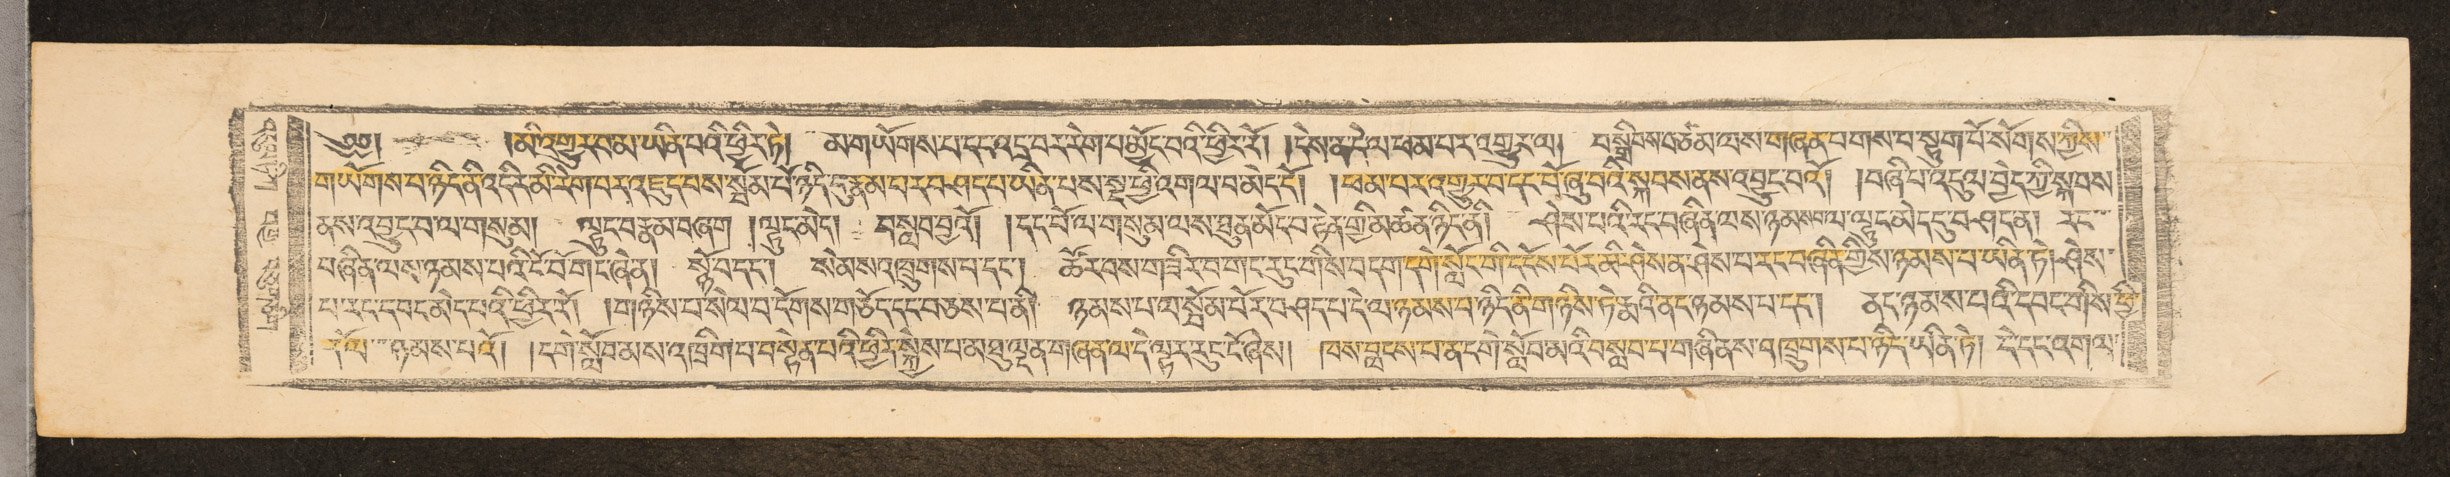༄༅། །མི་འགྱུར་བ་མ་ཡིན་པའི་ཕྱིར་ཏེ། མ་གཡོགས་པ་དང་འདྲ་བར་རེག་པ་མྱོང་བའི་ཕྱིར་རོ། །དེས་ན་དེ་ལ་ཕམ་པར་འགྱུར་ལ། བསྒྲིབས་པ་ཙམ་ལས་གཞན་པགས་པ་སྟུག་པོ་སོགས་ཀྱིས་
གཡོགས་པ་ཉིད་ནི་འདིར་མི་རེག་པར་འཇུད་པས་སྦོམ་པོ་ཉིད་དུ་རྣམ་པར་བཤད་པ་ཡིན་པས་སྔ་ཕྱི་འགལ་བ་མེད་དོ། །ཕམ་པར་འགྱུར་པ་དང་པོ་ཞུ་བའི་སྐབས་ནས་འབྱུང་བའོ། །བཞི་པ་འདུལ་བྱེད་ཀྱི་སྐབས་
ནས་འབྱུང་བ་ལ་གསུམ། ལྟུང་བ་རྣམ་བཞག །ལྟུང་མེད། བསླབ་བྱའོ། །དང་པོ་ལ་གསུམ་ལས་ཐུན་མོང་བ་རྟེན་གྱི་མཚན་ཉིད་ནི། ཤེས་པའི་རང་བཞིན་ལས་ཉམས་པ་ལ་ལྟུང་མེད་དུ་བཤད་ན། རང་
བཞིན་ལས་ཉམས་པའི་ངོ་བོ་གང་ཞེ་ན། སྙོ་བ་དང་། སེམས་འཁྲུགས་པ་དང་། ཚོར་བས་གཟིར་བ་གང་རུང་གིས་བདག་དགེ་སློང་གི་དངོས་པོར་མི་ཤེས་ན་ཤེས་པ་རང་བཞིན་གྱིས་ཉམས་པ་ཡིན་ཏེ། ཤེས་
པ་རང་དབང་མེད་པའི་ཕྱིར་རོ། །གཉིས་པ་སེལ་བ་དོགས་གཅོད་དང་བཅས་པ་ནི། ཉམས་པ་ལ་སྦོམ་པོར་བཤད་པ་དེ་ལ་ཉམས་པ་ཉིད་ནི་གཉིས་ཏེ་རྨའི་ནང་ཉམས་པ་དང་། ནང་ཉམས་པའི་དབང་གིས་ཕྱི་
རོལ་ཉམས་པའོ། །དགེ་སློབ་མས་འཁྲིག་པ་བསྟེན་པའི་ཕྱིར་སྐྱེས་པ་མཐུ་ལྡན་གཞན་ལ་དེ་ལྟར་རུང་ངོ་ཞེས། ཁས་བླངས་པ་ན་དགེ་སློབ་མའི་བསླབ་པ་གཞི་ནས་འཁྲུགས་པ་ཉིད་ཡིན་ཏེ། དེ་དང་འགལ་